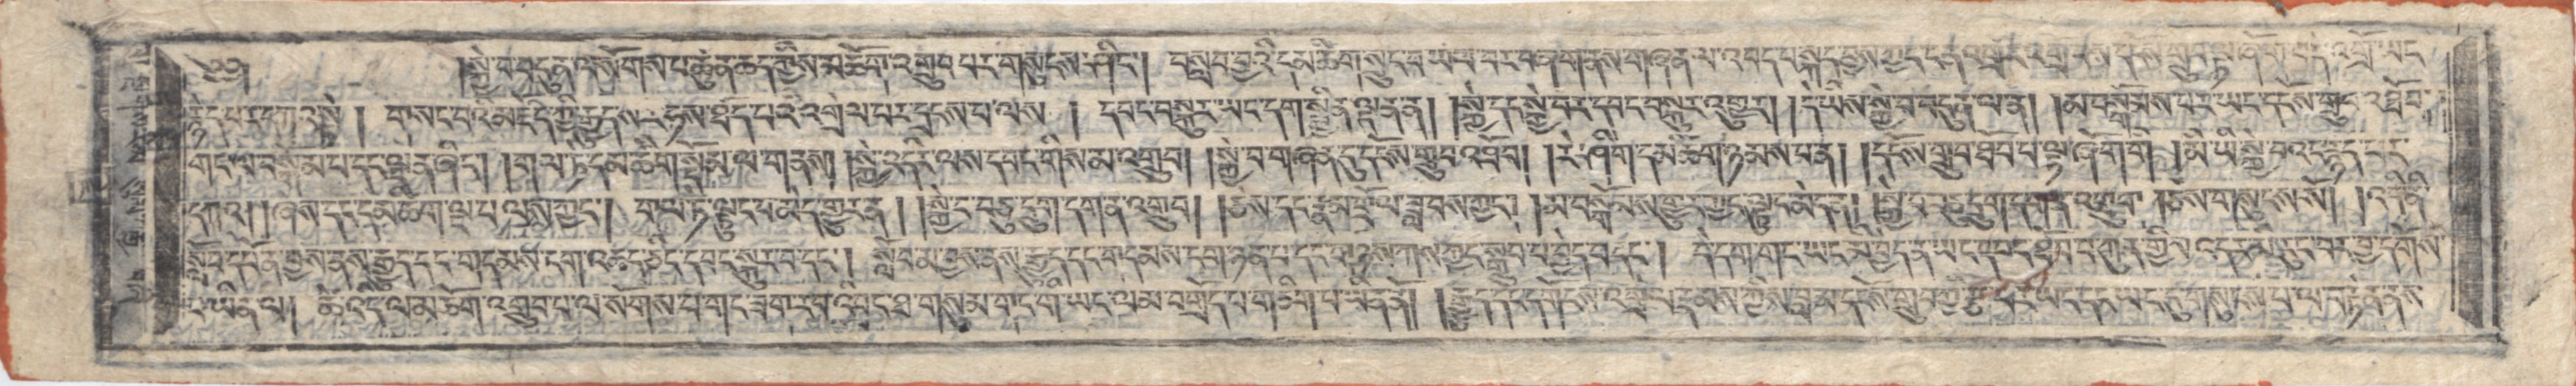༄༅། །སྐྱེ་བ་བདུན་ལ་སོགས་པ་ཚུན་ཆད་ཀྱིས་མཆོག་འགྲུབ་པར་གསུངས་ཤིང་། བསླབ་བྱའི་དམ་ཚིག་སྲུང་བ་ཡལ་བར་བཞག་ནས་གཞན་ལ་འབད་པ་སྐད་བྱས་ཀྱང་ངན་འགྲོར་འགྲོ་བས་དངོས་གྲུབ་ལྟ་ཞོག་བདེ་འགྲོ་ཡང་
རྙེད་པར་དཀའ་སྟེ། གསང་བའི་མཛོད་ཀྱི་རྒྱུད་སར་ཧས་ཐོད་པའི་འགྲེལ་པར་དྲངས་པ་ལས། དབང་བསྐུར་ཡང་དག་སྦྱིན་ལྡན་ན། །སྐྱེ་དང་སྐྱེ་བར་དབང་བསྐུར་འགྱུར། །དེ་ཡིས་སྐྱེ་བ་བདུན་ལ་ནི། །མ་བསྒོམས་པར་ཡང་དངོས་གྲུབ་འཐོབ།
གང་ལ་བསྒོམ་པ་དང་ལྡན་ཞིང་། །གལ་ཏེ་དམ་ཚིག་སྡོམ་ལ་གནས། །སྐྱེ་འདིར་ལས་དབང་གིས་མ་འགྲུབ། །སྐྱེ་བ་གཞན་དུ་དངོས་གྲུབ་འཐོབ། །རེ་ཤིག་དམ་ཚིག་ཉམས་པ་ན། །དངོས་གྲུབ་ཐོབ་པ་ལྟ་ཞོག་གི །མི་ཡི་སྐྱེ་བའང་རྙེད་པར་
དཀའ། །ཞེས་དང་དམ་ཚིག་ལྔ་པ་ལས་ཀྱང་། གལ་ཏེ་ལྟུང་བ་མེད་གྱུར་ན། །སྐྱེ་བ་བཅུ་དྲུག་དག་ན་འགྲུབ། །ཅེས་དང་རྣམ་གྲོལ་ཟླ་བས་ཀྱང་། །མ་བསྒོམས་གྱུར་ཀྱང་ལྟུང་མེད་ན། །སྐྱེ་བ་བཅུ་དྲུག་དག་ན་འགྲུབ། །ཅེས་གསུངས་སོ། །འདི་ནི་
སློབ་དཔོན་བྱས་ནས་རྒྱུད་དང་གདམས་ངག་འཆད་ཅིང་དབང་སྐུར་བ་དང་། སློབ་མ་བྱས་ནས་རྒྱུད་དང་གདམས་ངག་ཉན་པ་དང་གཉིས་ཀས་ཀྱང་སྒྲུབ་པ་བྱེད་པ་དང་། དེ་དག་གང་ཡང་མི་བྱེད་ན་ཡང་དབང་ཐོབ་པ་ཀུན་གྱིས་འདར་མི་རུང་བར་བྱ་དགོས་
པ་ཡིན་ལ། ཚེ་འདི་ལ་མཆོག་འགྲུབ་པ་ལ་སོགས་པ་གང་ཟག་རབ་འབྲིང་ཐ་གསུམ་གང་གི་ཡང་ལམ་བགྲོད་པ་གཅིག་པ་ཡིན་ནོ། །རྒྱུད་དང་དགོངས་འགྲེལ་རྣམས་ཀྱིས་བླ་མ་དངོས་གྲུབ་ཀྱི་རྩ་བར་ཡང་དང་ཡང་དུ་གསུངས་པ་ལ་བརྟེན་ནས་